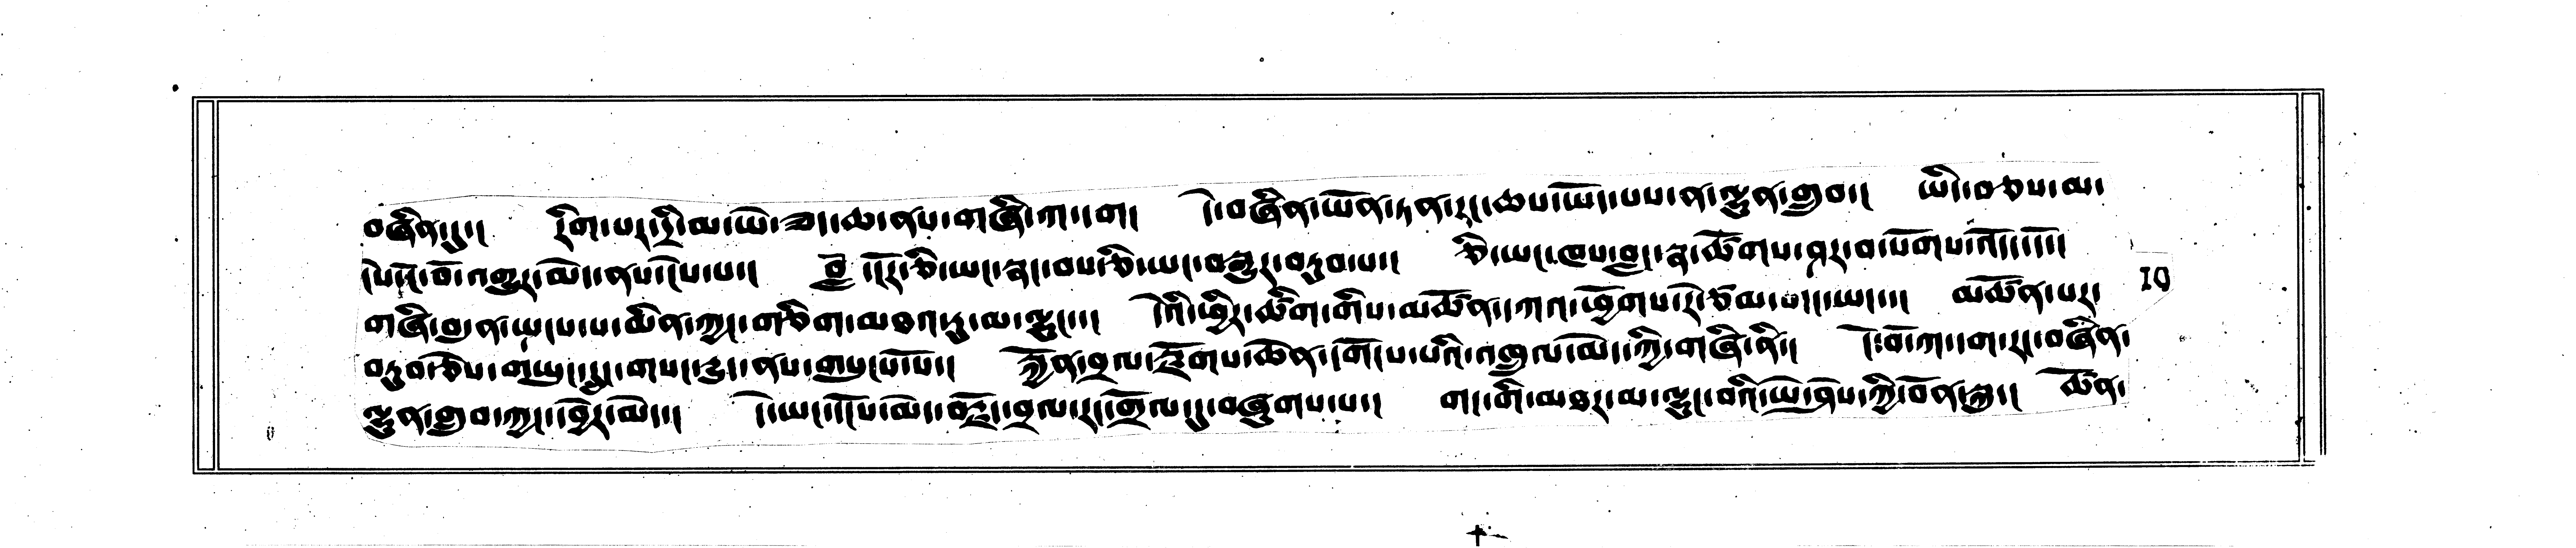བཞིན་དུ། །རིག་པར་དྲི་མ་ཡེ་ཟད་ཆ་ནས་གཞི་ཀ་དག དེ་བཞིན་ཡོན་ཏན་རང་ཆས་ཡོད་པས་ན་ལྷུན་གྲུབ། །ཡིད་བཅས་མ་
ངེས་ངོ་བོ་འགྱུར་མེད་ནས་ངེས་པ། །བློ་ངོར་ཅི་ཡང་སྣང་བས་ཅི་ཡང་བསྒྱུར་བཏུབ་པ། །ཅི་ཡང་ཁས་བླང་སྣ་ཚོགས་ཤར་བ་སོགས་འདོད་དོ། 
།གཞི་བདུན་སྤངས་པ་མེད་ཀྱང་གཅིག་མཐའ་རུ་མ་ལྷུང་། །དེའི་ཕྱིར་ཚིག་གིས་མཚོན་དཀའ་ཕྱོགས་རེ་ཙམ་གང་ཡང་། །མཚོན་པར་
བཏུབ་ཅེས་གཡུང་དྲུང་གསང་རྒྱུད་ནས་གསུངས་སོ། །སྐྱོན་བྲལ་རྫོགས་ཆེན་དགོངས་པའི་འཁྲུལ་མེད་ཀྱི་གཞི་ནི། །ངོ་བོ་ཀ་དག་རང་བཞིན་
ལྷུན་གྲུབ་ཀྱང་དབྱེར་མེད། །དེ་ཡང་དངོས་མེད་བརྗོད་བྲལ་རང་གྲོལ་དུ་བཞུགས་པ། །གང་གིས་མཐར་མ་ལྷུང་བའི་ཡེ་ཤེས་ཀྱི་བོན་སྐུ། །ཚོན་